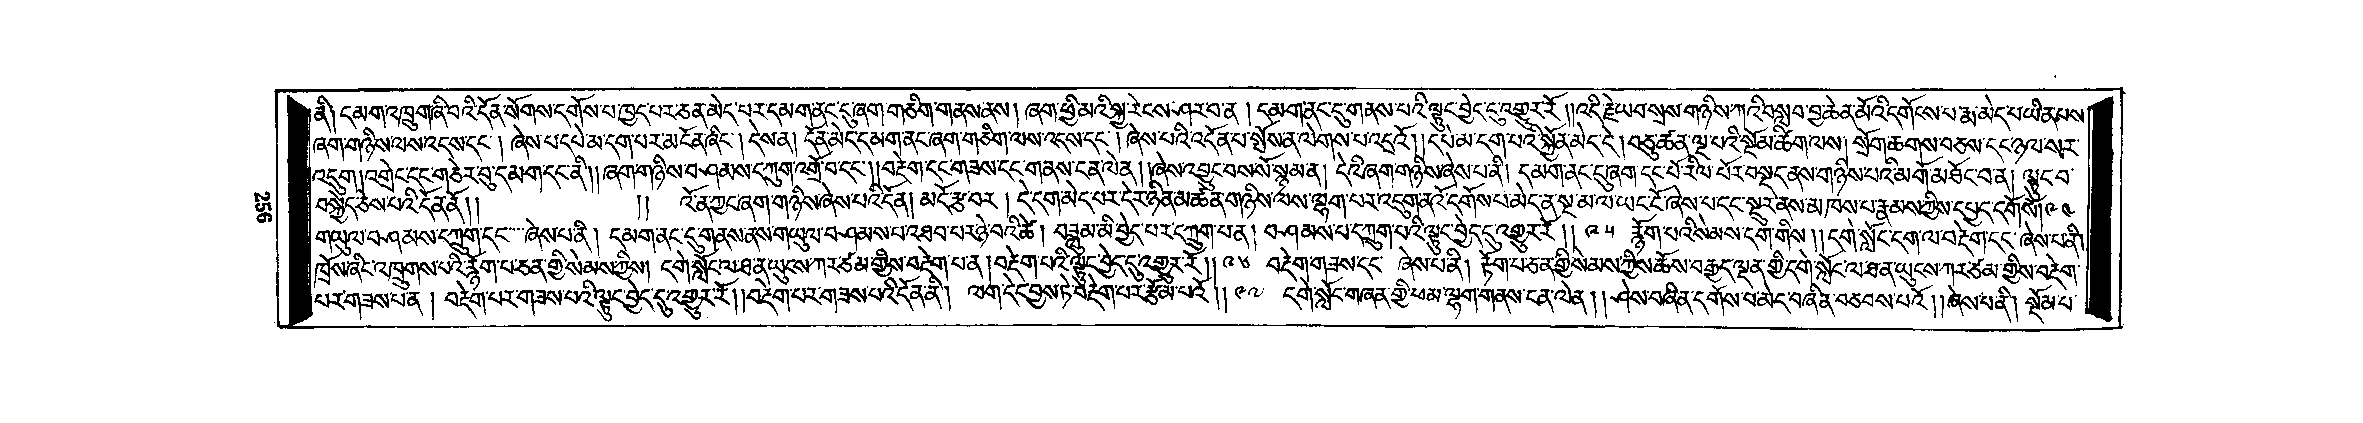ནི། དམག་འཁྲུག་ཞི་བའི་དོན་སོགས་དགོས་པ་ཁྱད་པར་ཅན་མེད་པར་དམག་ནང་དུ་ཞག་གཅིག་གནས་ནས། ཞག་ཕྱི་མའི་སྐྱ་རེངས་ཤར་བ་ན། དམག་ནང་དུ་གནས་པའི་ལྟུང་བྱེད་དུ་འགྱུར་རོ། །འདི་རྗེ་ཡབ་སྲས་གཉིས་ཀའི་བསླབ་བྱ་ཆེན་མོའི་དགོངས་པ་རྨ་མེད་པ་ཡིན་པས་
ཞག་གཉིས་ལས་འདས་དང་། ཞེས་པ་དཔེ་མ་དག་པར་མངོན་ཞིང་། དེས་ན། དོན་མེད་དམག་ནང་ཞག་གཅིག་ལས་འདས་དང་། ཞེས་པའི་འདོན་པ་སྤོས་ན་ལེགས་པ་འདྲའོ། །དཔེ་མ་དག་པའི་སྐྱོན་མེད་དེ། བཅུ་ཚན་ལྔ་པའི་སྡོམ་ཚིག་ལས། སྲོག་ཆགས་བཅས་དང་ཉལ་སར་
འདུག །འགྲེང་དང་གཅེར་བུ་དམག་དང་ནི། །ཞག་གཉིས་བཤམས་དཀུག་འགྲོ་བ་དང་། །བརྡེག་དང་གཟས་དང་གནས་ངན་ལེན། །ཞེས་འབྱུང་བས་སོ་སྙམ་ན། དེའི་ཞག་གཉིས་ཞེས་པ་ནི། དམག་ནང་དུ་ཞག་དང་པོ་རིལ་པོར་བསྡད་ནས་གཉིས་པའི་མགོ་མཐོང་བ་ན། ལྟུང་བ་
བསྐྱེད་ཅེས་པའི་དོན་ནོ།། །།འོ་ན་ཀྱང་ཞག་གཉིས་ཞེས་པའི་དོན། མདོ་རྩ་བར། དེ་དག་མེད་པར་དེར་ཉིན་མཚན་གཉིས་ལས་ལྷག་པར་འདུག་ནའོ་དགོས་པ་མེད་ན་སྔ་མ་ལ་ཡང་ངོ་ཞེས་པ་དང་སྡུར་ནས་མཁས་པ་རྣམས་ཀྱིས་དཔྱད་དགོས།
གཡུལ་བཤམས་དཀྲུག་དང་ཞེས་པ་ནི། དམག་ནང་དུ་གནས་ནས་གཡུལ་བཤམས་པ་འཐབ་པར་ཉེ་བའི་ཚེ། བཟླུམ་མི་བྱེད་པར་དཀྲུག་པ་ན། བཤམས་པ་དཀྲུག་པའི་ལྟུང་བྱེད་དུ་འགྱུར་རོ། །རྙོག་པའི་སེམས་དག་གིས། །དགེ་སློང་དག་ལ་བརྡེག་དང་ཞེས་པ་ནི།
ཁྲོས་ཞིང་འཁྲུགས་པའི་རྙོག་པ་ཅན་གྱི་སེམས་ཀྱིས། དགེ་སློང་ལ་ཐ་ན་ཡུངས་ཀར་ཙམ་གྱིས་བརྡེག་པ་ན། བརྡེག་པའི་ལྟུང་བྱེད་དུ་འགྱུར་རོ། །བརྡེག་གཟས་དང་ཞེས་པ་ནི། རྟོག་པ་ཅན་གྱི་སེམས་ཀྱིས་ཆོས་བརྒྱད་ལྡན་གྱི་དགེ་སློང་ལ་ཐ་ན་ཡུངས་ཀར་ཙམ་གྱིས་བརྡེག་
པར་གཟས་པ་ན། བརྡེག་པར་གཟས་པའི་ལྟུང་བྱེད་དུ་འགྱུར་རོ། །བརྡེག་པར་གཟས་པའི་དོན་ནི། ལག་དེང་བྱས་ཏེ་བརྡེག་པར་རྩོམ་པའོ། །དགེ་སློང་གཞན་གྱི་ཕམ་ལྷག་གནས་ངན་ལེན། །ཤེས་བཞིན་དགོས་པ་མེད་བཞིན་བཅབས་པའོ། །ཞེས་པ་ནི། སྡོམ་པ་